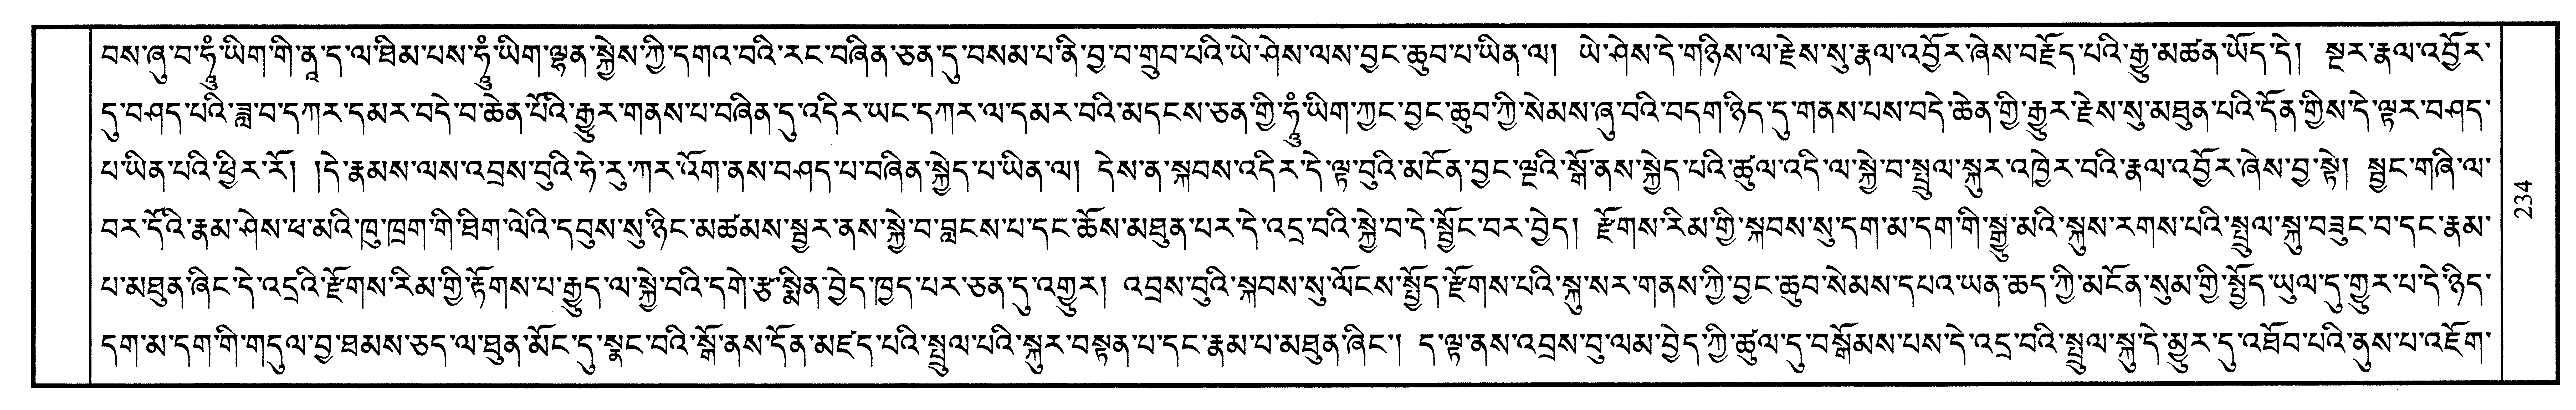བས་ཞུ་བ་ཧཱུཾ་ཡིག་གི་ནཱ་ད་ལ་ཐིམ་པས་ཧཱུཾ་ཡིག་ལྷན་སྐྱེས་ཀྱི་དགའ་བའི་རང་བཞིན་ཅན་དུ་བསམ་པ་ནི་བྱ་བ་གྲུབ་པའི་ཡེ་ཤེས་ལས་བྱང་ཆུབ་པ་ཡིན་ལ། ཡེ་ཤེས་དེ་གཉིས་ལ་རྗེས་སུ་རྣལ་འབྱོར་ཞེས་བརྗོད་པའི་རྒྱུ་མཚན་ཡོད་དེ། སྔར་རྣལ་འབྱོར་
དུ་བཤད་པའི་ཟླ་བ་དཀར་དམར་བདེ་བ་ཆེན་པོའི་རྒྱུར་གནས་པ་བཞིན་དུ་འདིར་ཡང་དཀར་ལ་དམར་བའི་མདངས་ཅན་གྱི་ཧཱུཾ་ཡིག་ཀྱང་བྱང་ཆུབ་ཀྱི་སེམས་ཞུ་བའི་བདག་ཉིད་དུ་གནས་པས་བདེ་ཆེན་གྱི་རྒྱུར་རྗེས་སུ་མཐུན་པའི་དོན་གྱིས་དེ་ལྟར་བཤད་
པ་ཡིན་པའི་ཕྱིར་རོ། །དེ་རྣམས་ལས་འབྲས་བུའི་ཧེ་རུ་ཀར་འོག་ནས་བཤད་པ་བཞིན་སྐྱེད་པ་ཡིན་ལ། དེས་ན་སྐབས་འདིར་དེ་ལྟ་བུའི་མངོན་བྱང་ལྔའི་སྒོ་ནས་སྐྱེད་པའི་ཚུལ་འདི་ལ་སྐྱེ་བ་སྤྲུལ་སྐུར་འཁྱེར་བའི་རྣལ་འབྱོར་ཞེས་བྱ་སྟེ། སྦྱང་གཞི་ལ་
བར་དོའི་རྣམ་ཤེས་ཕ་མའི་ཁུ་ཁྲག་གི་ཐིག་ལེའི་དབུས་སུ་ཉིང་མཚམས་སྦྱར་ནས་སྐྱེ་བ་བླངས་པ་དང་ཆོས་མཐུན་པར་དེ་འདྲ་བའི་སྐྱེ་བ་དེ་སྦྱོང་བར་བྱེད། རྫོགས་རིམ་གྱི་སྐབས་སུ་དག་མ་དག་གི་སྒྱུ་མའི་སྐུས་རགས་པའི་སྤྲུལ་སྐུ་བཟུང་བ་དང་རྣམ་
པ་མཐུན་ཞིང་དེ་འདྲའི་རྫོགས་རིམ་གྱི་རྟོགས་པ་རྒྱུད་ལ་སྐྱེ་བའི་དགེ་རྩ་སྨིན་བྱེད་ཁྱད་པར་ཅན་དུ་འགྱུར། འབྲས་བུའི་སྐབས་སུ་ལོངས་སྤྱོད་རྫོགས་པའི་སྐུ་སར་གནས་ཀྱི་བྱང་ཆུབ་སེམས་དཔའ་ཡན་ཆད་ཀྱི་མངོན་སུམ་གྱི་སྤྱོད་ཡུལ་དུ་གྱུར་པ་དེ་ཉིད་
དག་མ་དག་གི་གདུལ་བྱ་ཐམས་ཅད་ལ་ཐུན་མོང་དུ་སྣང་བའི་སྒོ་ནས་དོན་མཛད་པའི་སྤྲུལ་པའི་སྐུར་བསྟན་པ་དང་རྣམ་པ་མཐུན་ཞིང་། ད་ལྟ་ནས་འབྲས་བུ་ལམ་བྱེད་ཀྱི་ཚུལ་དུ་བསྒོམས་པས་དེ་འདྲ་བའི་སྤྲུལ་སྐུ་དེ་མྱུར་དུ་འཐོབ་པའི་ནུས་པ་འཇོག་